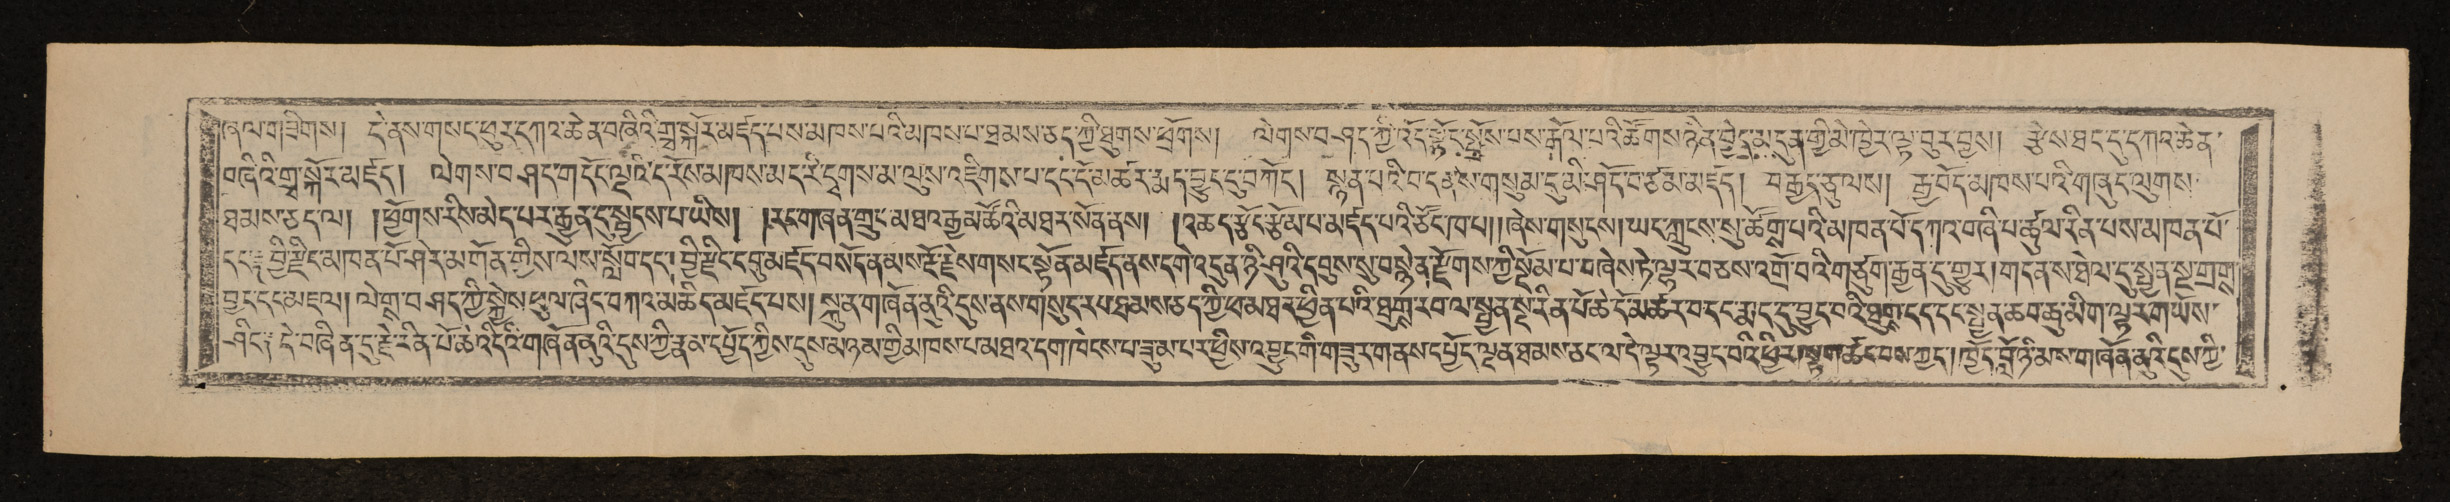ཞལ་གཟིགས། དེ་ནས་གསང་ཕུར་དཀའ་ཆེན་བཞིའི་གྲྭ་སྐོར་མཛད་པས་མཁས་པའི་མཁས་པ་ཐམས་ཅད་ཀྱི་ཐུགས་ཕྲོགས། ལེགས་བཤད་ཀྱི་འོད་སྟོང་སྤྲོས་པས་རྒོལ་བའི་ཚོགས་ཉིན་བྱེད་མདུན་གྱི་མེ་ཁྱེར་ལྟ་བུར་བྱས། རྩེས་ཐང་དུ་དཀའ་ཆེན་
བཞིའི་གྲྭ་སྐོར་མཛད། ལེགས་བཤད་གདོང་ལྔའི་ང་རོས་མཁས་མང་རི་དྭགས་མ་ལུས་འཇིགས་པ་དང་ངོ་མཚར་རྨད་བྱུང་དུ་བཀོད། སྙན་པའི་བ་དན་ས་གསུམ་དུ་མི་ཤོང་བ་ཙམ་མཛད། བརྒྱད་ཅུ་ལས། རྒྱ་བོད་མཁས་པའི་གཞུང་ལུགས་
ཐམས་ཅད་ལ། །ཕྱོགས་རིས་མེད་པར་རྒྱུན་དུ་སྦྱངས་པ་ཡིས། །རང་གཞན་གྲུབ་མཐའ་རྒྱ་མཚོའི་མཐར་སོན་ནས། །འཆད་རྩོད་རྩོམ་པ་མཛད་པའི་ཙོང་ཁ་བ། །ཞེས་གསུངས། ཡར་ཀླུངས་སུ་ཚོགས་པའི་མཁན་པོ་དཀའ་བཞི་བ་ཚུལ་རིན་པས་མཁན་པོ་
དང༑ བྱི་རྫིང་མཁན་པོ་ཤེར་མགོན་གྱིས་ལས་སློབ་དང་། བྱི་རྫིང་དབུ་མཛད་བསོད་ནམས་རྡོ་རྗེས་གསང་སྟོན་མཛད་ནས་དགེ་འདུན་ཉི་ཤུའི་དབུས་སུ་བསྙེན་རྫོགས་ཀྱི་སྡོམ་པ་བཞེས་ཏེ་ལྷར་བཅས་འགྲོ་བའི་གཙུག་རྒྱན་དུ་གྱུར། གདན་སེ་ཐལ་དུ་སྤྱན་སྔ་གྲགས་
བྱང་དང་མཇལ། ལེགས་བཤད་ཀྱི་སྐྱེས་ཕུལ་ཞིང་བཀའ་མཆིད་མཛད་པས། སྐུ་ན་གཞོན་ནུའི་དུས་ནས་གསུང་རབ་ཐམས་ཅད་ཀྱི་ཕ་མཐར་ཕྱིན་པའི་ཐུགས་རབ་ལ་སྤྱན་སྔ་རིན་པོ་ཆེ་ངོ་མཚར་བ་དང་རྨད་དུ་བྱུང་བའི་ཐུགས་དད་དང་སྤྱན་ཆབ་ཆུ་མིག་ལྟར་གཡོས་
ཤིང༑ དེ་བཞིན་དུ་རྗེ་རིན་པོ་ཆེ་འདིའི་གཞོན་ནུའི་དུས་ཀྱི་རྣམ་དཔྱོད་ཀྱིས་དུས་མཉམ་གྱི་མཁས་པ་མཐའ་དག་ཁེངས་པ་ཟུམ་པར་ཕྱིས་འབྱུང་གི་གཟུར་གནས་དཔྱོད་ལྡན་ཐམས་ཅད་ལ་དེ་ལྟར་འབྱུང་བའི་ཕྱིར། སྟག་ཚང་བས་ཀྱང་། ཁྱོད་བློ་ཉི་མས་གཞོན་ནུའི་དུས་ཀྱི་